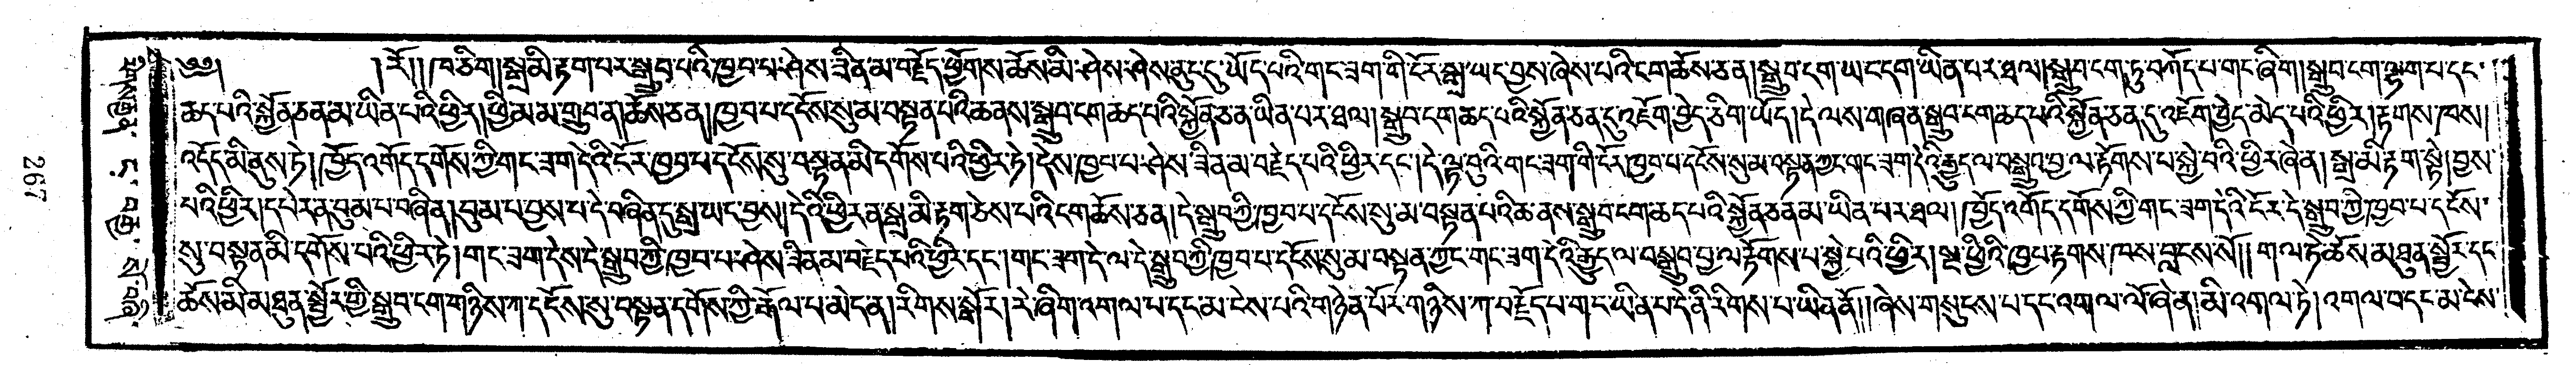༄༅། །རོ། །ཁ་ཅིག །སྒྲ་མི་རྟག་པར་སྒྲུབ་པའི་ཁྱབ་པ་ཤེས་ཟིན་མ་བརྗེད་ཕྱོགས་ཆོས་མི་ཤེས་ཤེས་རུང་དུ་ཡོད་པའི་གང་ཟག་གི་ངོར་སྒྲ་ཡང་བྱས་ཞེས་པའི་ངག་ཆོས་ཅན། སྒྲུབ་ངག་ཡང་དག་ཡིན་པར་ཐལ། སྒྲུབ་ངག་ཏུ་བཀོད་པ་གང་ཞིག །སྒྲུབ་ངག་ལྷག་པ་དང་
ཆད་པའི་སྐྱོན་ཅན་མ་ཡིན་པའི་ཕྱིར། ཕྱི་མ་མ་གྲུབ་ན། ཆོས་ཅན། ཁྱབ་པ་དངོས་སུ་མ་བསྟན་པའི་ཆ་ནས་སྒྲུབ་ངག་ཆད་པའི་སྐྱོན་ཅན་ཡིན་པར་ཐལ། སྒྲུབ་ངག་ཆད་པའི་སྐྱོན་ཅན་དུ་འཇོག་བྱེད་ཅིག་ཡོད། དེ་ལས་གཞན་སྒྲུབ་ངག་ཆད་པའི་སྐྱོན་ཅན་དུ་འཇོག་བྱེད་མེད་པའི་ཕྱིར། རྟགས་ཁས།
འདོད་མི་ནུས་ཏེ། ཁྱོད་འགོད་དགོས་ཀྱི་གང་ཟག་དེའི་ངོར་ཁྱབ་པ་དངོས་སུ་བསྟན་མི་དགོས་པའི་ཕྱིར་ཏེ། དེས་ཁྱབ་པ་ཤེས་ཟིན་མ་བརྗེད་པའི་ཕྱིར་དང་། དེ་ལྟ་བུའི་གང་ཟག་གི་ངོར་ཁྱབ་པ་དངོས་སུ་མ་བསྟན་ཀྱང་གང་ཟག་དེའི་རྒྱུད་ལ་བསྒྲུབ་བྱ་ལ་རྟོགས་པ་སྐྱེ་བའི་ཕྱིར་ཞེ་ན། སྒྲ་མི་རྟག་སྟེ། བྱས་
པའི་ཕྱིར། དཔེར་ན་བུམ་པ་བཞིན། བུམ་པ་བྱས་པ་དེ་བཞིན་དུ་སྒྲ་ཡང་བྱས། དེའི་ཕྱིར་ན་སྒྲ་མི་རྟག་ཅེས་པའི་ངག་ཆོས་ཅན། དེ་སྒྲུབ་ཀྱི་ཁྱབ་པ་དངོས་སུ་མ་བསྟན་པའི་ཆ་ནས་སྒྲུབ་ངག་ཆད་པའི་སྐྱོན་ཅན་མ་ཡིན་པར་ཐལ། ཁྱོད་འགོད་དགོས་ཀྱི་གང་ཟག་དེའི་ངོར་དེ་སྒྲུབ་ཀྱི་ཁྱབ་པ་དངོས་
སུ་བསྟན་མི་དགོས་པའི་ཕྱིར་ཏེ། གང་ཟག་དེས་དེ་སྒྲུབ་ཀྱི་ཁྱབ་པ་ཤེས་ཟིན་མ་བརྗེད་པའི་ཕྱིར་དང་། གང་ཟག་དེ་ལ་དེ་སྒྲུབ་ཀྱི་ཁྱབ་པ་དངོས་སུ་མ་བསྟན་ཀྱང་གང་ཟག་དེའི་རྒྱུད་ལ་བསྒྲུབ་བྱ་ལ་རྟོགས་པ་སྐྱེ་བའི་ཕྱིར། སྔ་ཕྱིའི་ཁྱབ་རྟགས་ཁས་བླངས་སོ། །གལ་ཏེ་ཆོས་མཐུན་སྦྱོར་དང་
ཆོས་མི་མཐུན་སྦྱོར་གྱི་སྒྲུབ་ངག་གཉིས་ཀ་དངོས་སུ་བསྟན་དགོས་ཀྱི་རྒོལ་པ་མེད་ན། རིགས་སྒོར། རེ་ཞིག་འགལ་བ་དང་མ་ངེས་པའི་གཉེན་པོར་གཉིས་ཀ་བརྗོད་པ་གང་ཡིན་པ་དེ་ནི་རིགས་པ་ཡིན་ནོ། །ཞེས་གསུངས་པ་དང་འགལ་ལོ་ཞེ་ན། མི་འགལ་ཏེ། འགལ་བ་དང་མ་ངེས་